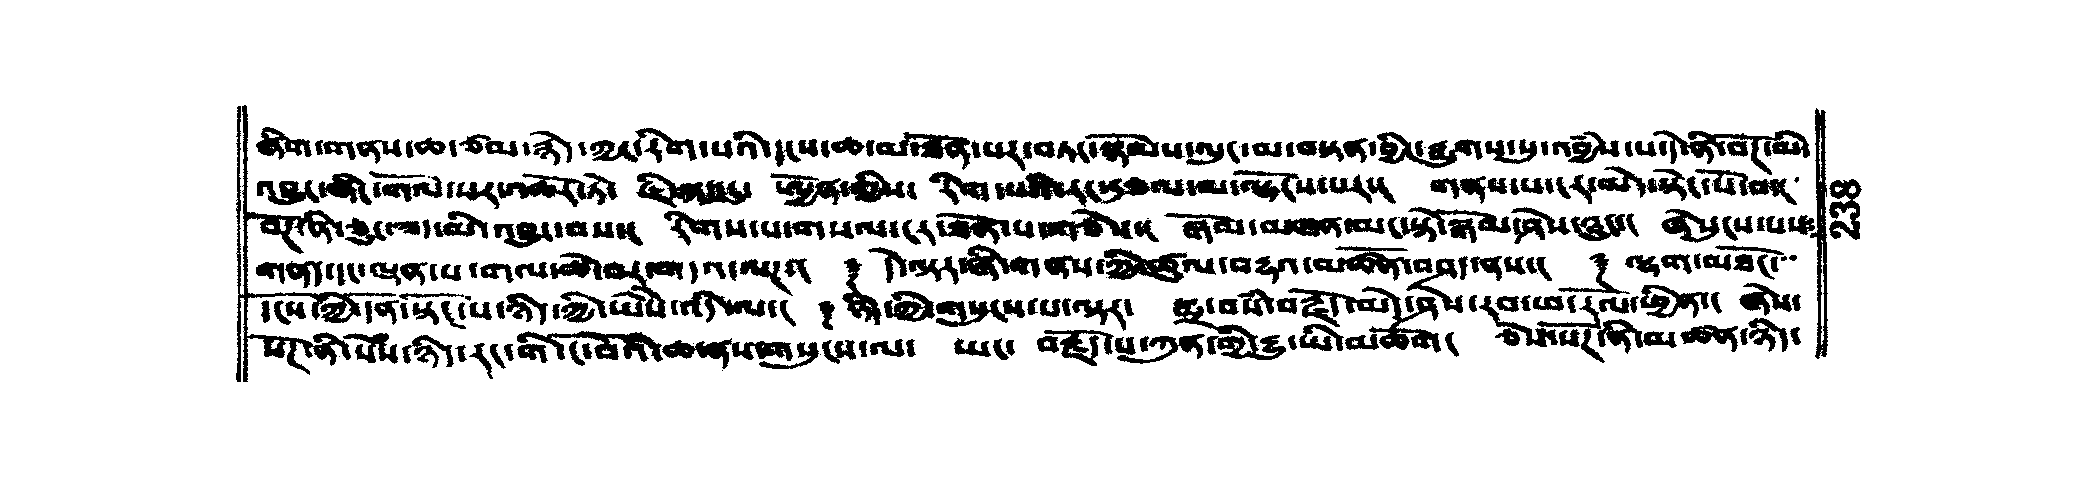ཞིག་གནས་ཆ་ཙམ་རྙེད་ཀྱང་རིག་པའི་དྭངས་ཆ་མ་ཐོན་པར་བཏང་སྙོམས་ལུང་མ་བསྟན་བྱིང་རྨུགས་སུ་འབྱམས་པ་དེ་ནི་བོགས་མི་
འབྱུང་ཞིང་གོལ་སར་འཆོར་ཏེ། ཇི་སྐད་དུ། ཨོ་རྒྱན་གྱིས། རིག་པའི་རང་རྩལ་མ་ལྷོངས་པར། །གནས་པ་ངར་མེད་ལྟེང་པོ་བ། །
བོགས་ནི་ཅུང་ཟད་མི་འབྱུང་བས། །རིག་པ་གསལ་ངར་ཐོན་པ་གཅེས། །སྒོམ་མཁན་མང་སྟེ་སྒོམ་ཤེས་ཉུང་། ཞེས་གསུངས་པས་
གནད་དང་ལྡན་པ་གལ་ཆེ་བར་གདའ་ལགས། ༈ དེ་ལྟར་ཞི་གནས་ཀྱི་ཚུལ་བརྡ་མཚོན་བཤད་ཙམ་ནས། ལྷག་མཐོང་
དངོས་ཀྱི་དོན་སྟོང་པ་ཉིད་ཀྱི་ཡེ་ཤེས་འདི་ལ། ཉིད་ཀྱི་གསུངས་པ་ལྟར། སྨྲ་བསམ་བརྗོད་མེད་ཤེས་རབ་ཕ་རོལ་ཕྱིན། ཞེས་
སོགས་ནི་སེམས་ཉིད་རང་གི་ངོ་བོའི་ཆ་ནས་གསུངས་ལ། ཡང་། བརྗོད་པ་ཀུན་གྱི་རྒྱུ་ཡི་མཆོག ཅེས་སོགས་ནི་མཚན་ཉིད་